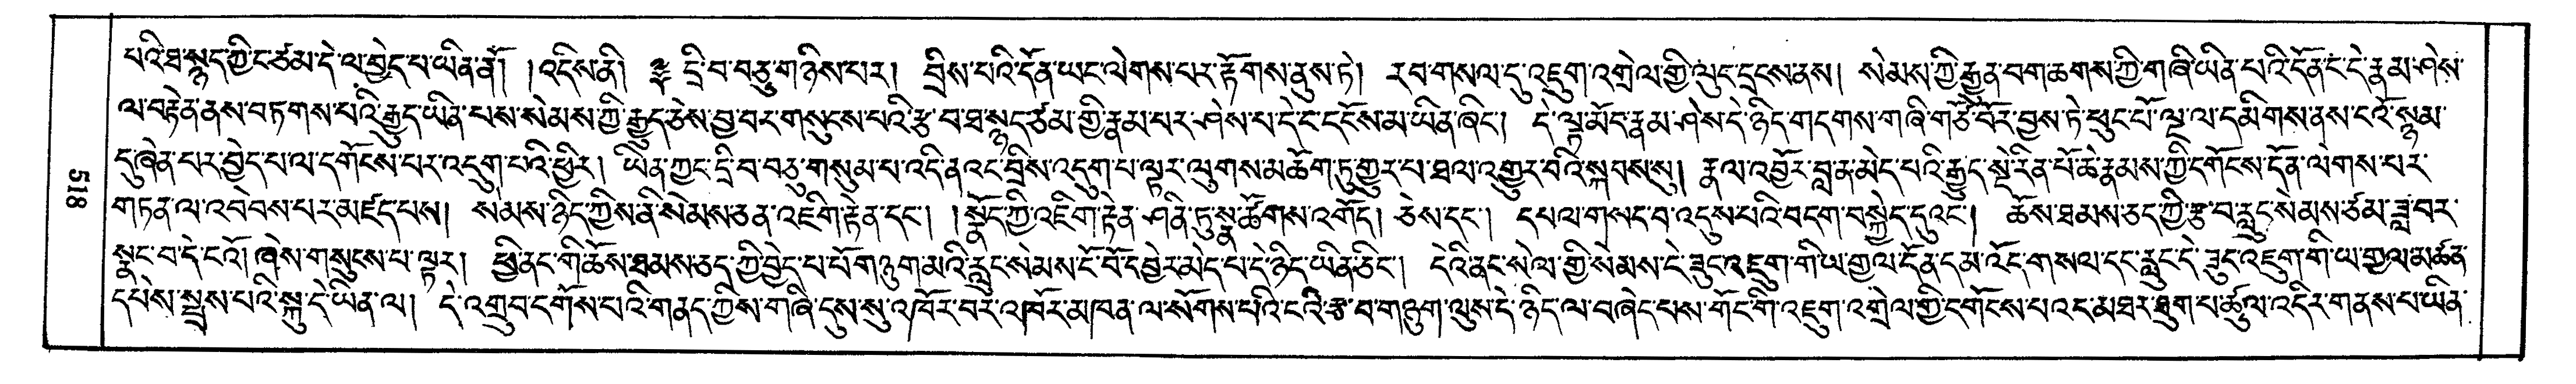པའི་ཐ་སྙད་ཀྱི་ང་ཙམ་དེ་ལ་བྱེད་པ་ཡིན་ནོ། །འདིས་ནི། ༈ དྲི་བ་བཅུ་གཉིས་པར། བྲིས་པའི་དོན་ཡང་ལེགས་པར་རྟོགས་ནུས་ཏེ། རབ་གསལ་དུ་འཇུག་འགྲེལ་གྱི་ལུང་དྲངས་ནས། སེམས་ཀྱི་རྒྱུན་བག་ཆགས་ཀྱི་གཞི་ཡིན་པའི་དོན་ང་དེ་རྣམ་ཤེས་
ལ་བརྟེན་ནས་བཏགས་པའི་རྒྱུད་ཡིན་པས་སེམས་ཀྱི་རྒྱུད་ཅེས་བྱ་བར་གསུངས་པའི་རྩ་བ་ཐ་སྙད་ཙམ་གྱི་རྣམ་པར་ཤེས་པ་དེང་དངོས་མ་ཡིན་ཞིང་། དེ་ལྟ་མོད་རྣམ་ཤེས་དེ་ཉིད་གདགས་གཞི་གཙོ་བོར་བྱས་ཏེ་ཕུང་པོ་ལྔ་ལ་དམིགས་ནས་ངའོ་སྙམ་
དུ་ཞེན་པར་བྱེད་པ་ལ་དགོངས་པར་འདུག་པའི་ཕྱིར། ཡིན་ཀྱང་དྲི་བ་བཅུ་གསུམ་པ་འདི་ནའང་བྲིས་འདུག་པ་ལྟར་ལུགས་མཆོག་ཏུ་གྱུར་པ་ཐལ་འགྱུར་བའི་སྐབས་སུ། རྣལ་འབྱོར་བླ་ན་མེད་པའི་རྒྱུད་སྡེ་རིན་པོ་ཆེ་རྣམས་ཀྱི་དགོངས་དོན་ལེགས་པར་
གཏན་ལ་འབེབས་པར་མཛད་པས། སེམས་ཉིད་ཀྱིས་ནི་སེམས་ཅན་འཇིག་རྟེན་དང་། །སྣོད་ཀྱི་འཇིག་རྟེན་ཤིན་ཏུ་སྣ་ཚོགས་འགོད། ཅེས་དང་། དཔལ་གསང་བ་འདུས་པའི་བདག་བསྐྱེད་དུའང་། ཆོས་ཐམས་ཅད་ཀྱི་རྩ་བ་རླུང་སེམས་ཙམ་ཟླ་བར་
སྣང་བ་དེ་ངའོ། ཞེས་གསུངས་པ་ལྟར། ཕྱི་ནང་གི་ཆོས་ཐམས་ཅད་ཀྱི་བྱེད་པ་པོ་གཉུག་མའི་རླུང་སེམས་ངོ་བོ་དབྱེར་མེད་པ་དེ་ཉིད་ཡིན་ཅིང་། དེའི་ནང་སེལ་གྱི་སེམས་དེ་ཟུང་འཇུག་གི་ཡ་གྱལ་དོན་དམ་འོད་གསལ་དང་རླུང་དེ་ཟུང་འཇུག་གི་ཡ་གྱལ་མཚན་
དཔེས་སྦྲས་པའི་སྐུ་དེ་ཡིན་ལ། དེ་འགྲུབ་དགོས་པའི་གནད་ཀྱིས་གཞི་དུས་སུ་འཁོར་པར་འཁོར་མཁན་ལ་སོགས་པའི་ངའི་རྩ་བ་གཉུག་ལུས་དེ་ཉིད་ལ་བཞེད་པས་གོང་གི་འཇུག་འགྲེལ་གྱི་དགོངས་པའང་མཐར་ཐུག་པ་ཚུལ་འདིར་གནས་པ་ཡིན་